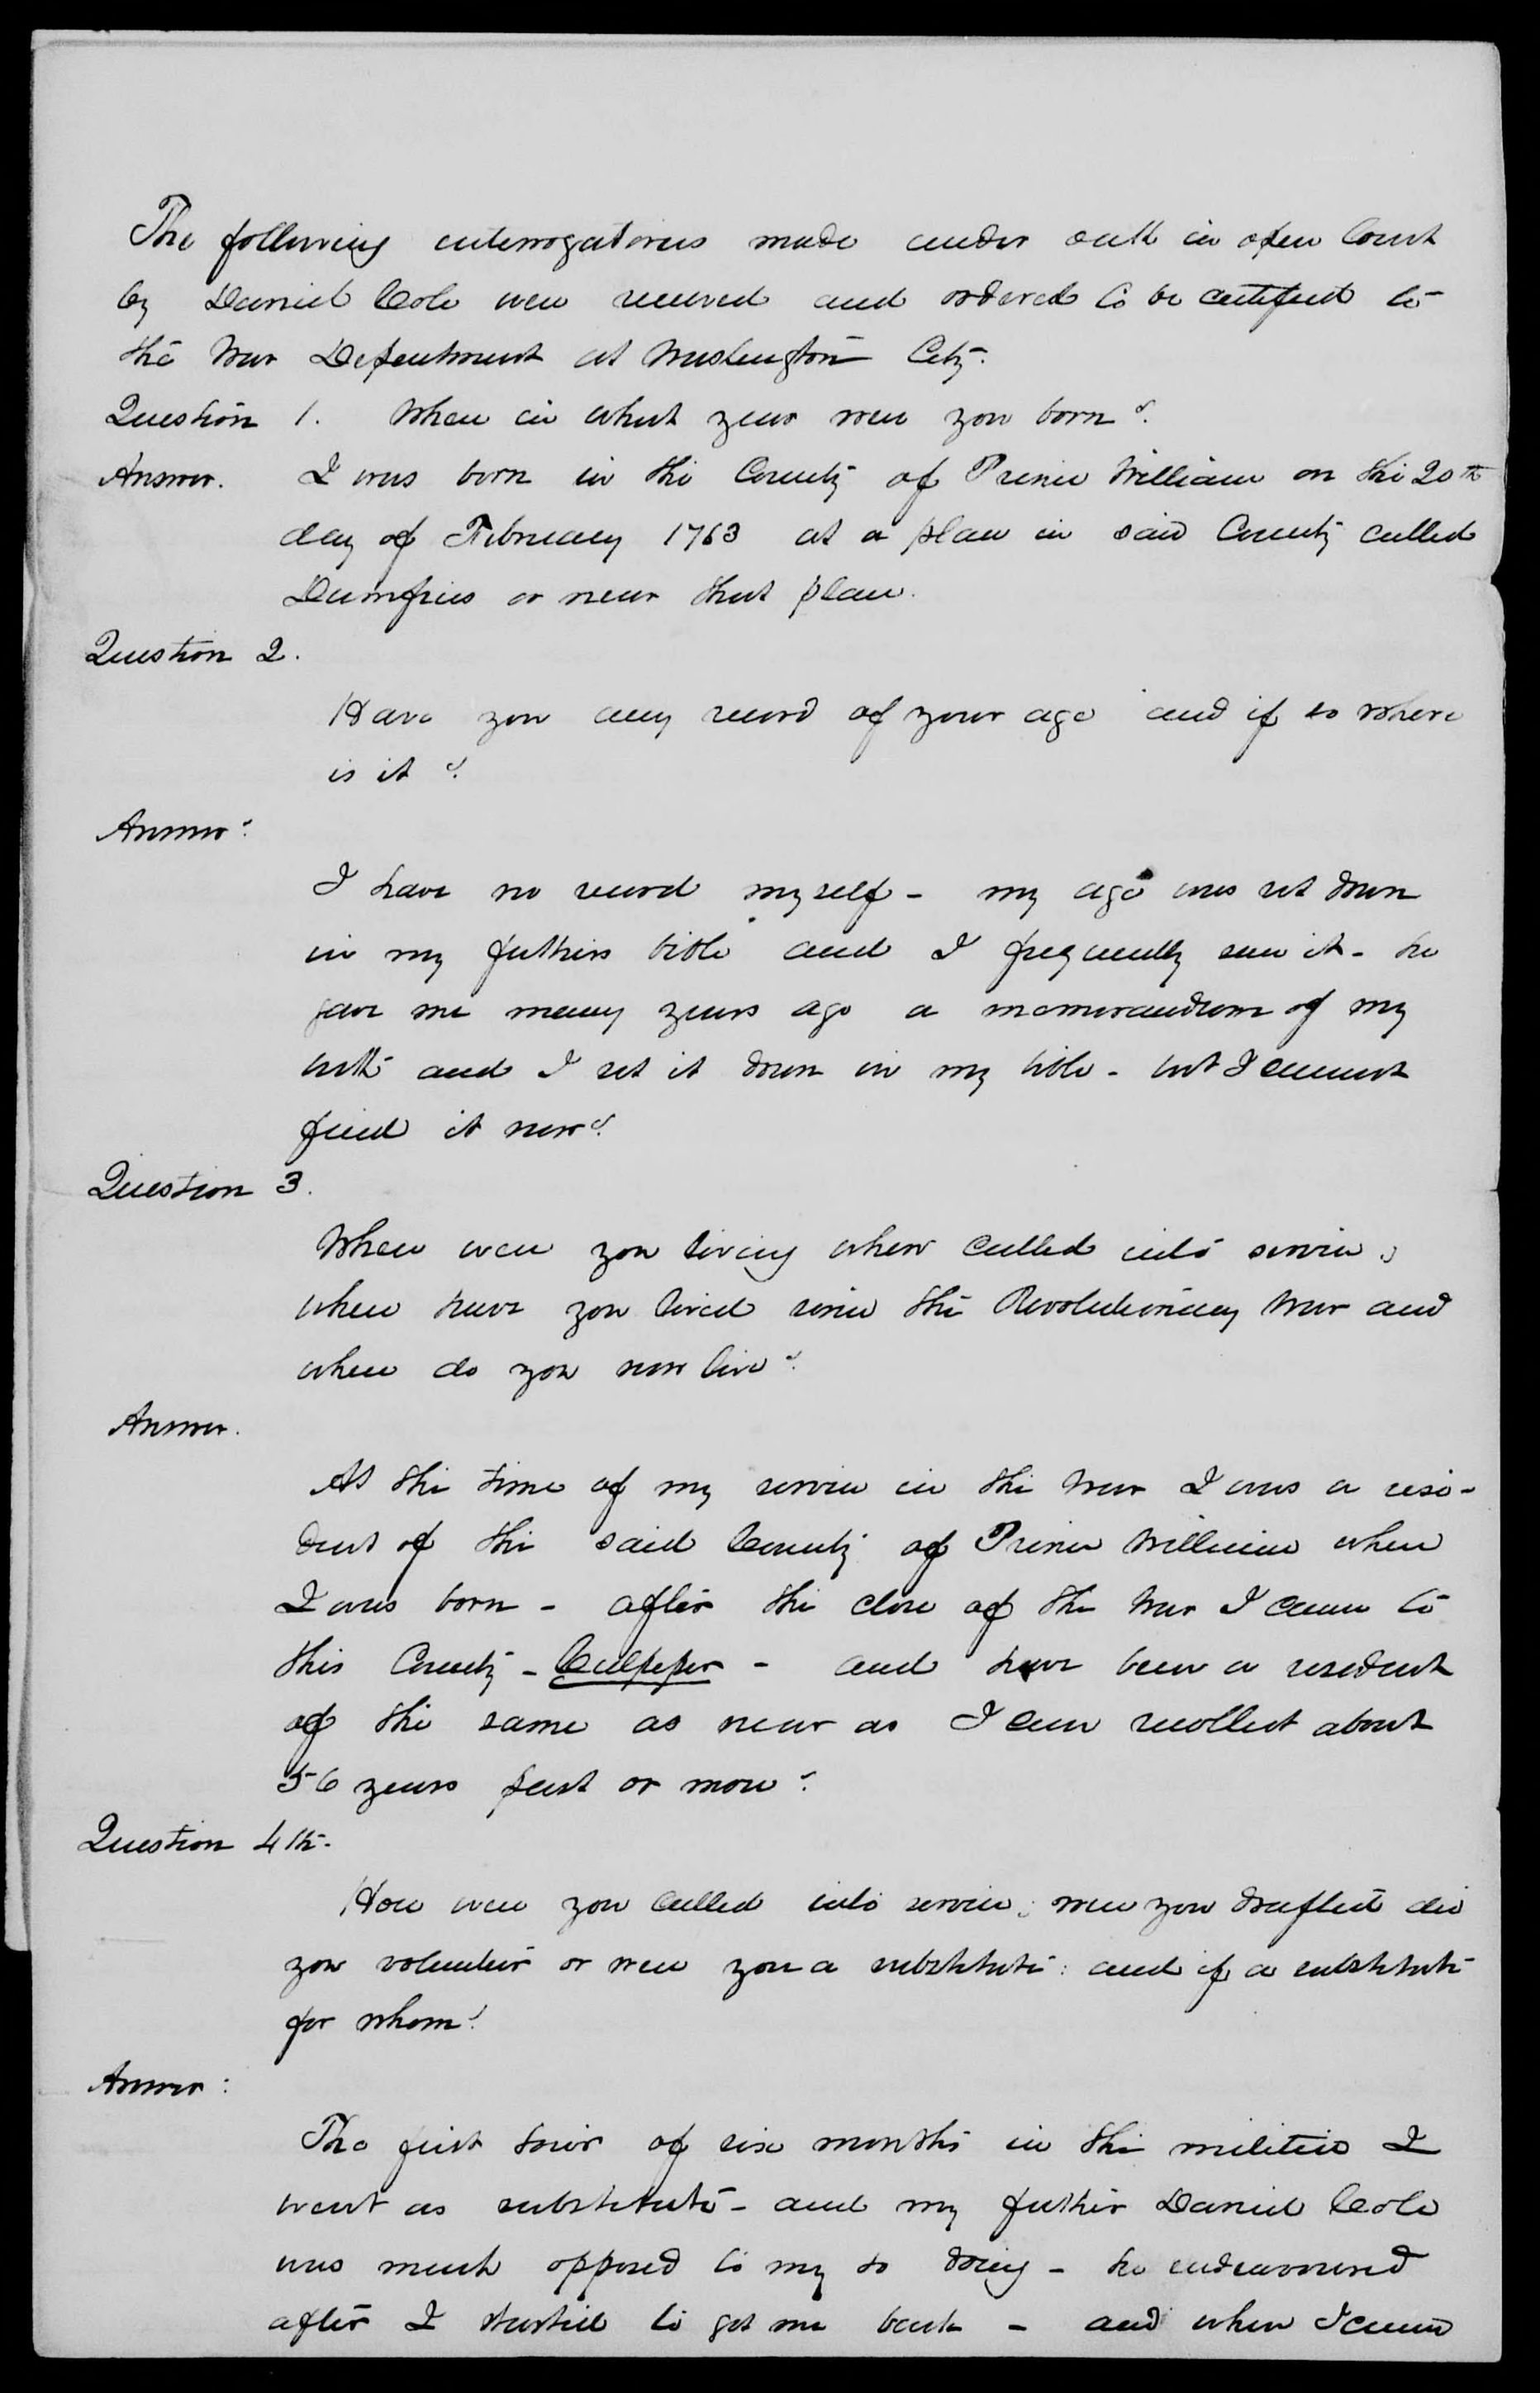The following interrogatories made under oath in open Court by Daniel Cole were received and ordered to be certified to the War Department at Washington City.
Question 1. Where in which year were you born?
Answer: I was born in the County of Prince William on the 20th day of February 1763 as a place in said County called Dumfries or near that place.
Question 2. Have you any record of your age and if so where is it?
Answer:
I have no record myself-- my age was set down in my fathers bible and I frequently saw it to gave me many years ago a memorandum of my birth and I set it down in my bible. but I cannot find it now.
Question 3. Where were you living when called into service where have you lived since the Revolutionary war and where do you now live
Answer: At the time of my service in the war I was a resident of the said County of Prince William when I was born. after the close of the war I came to this County Culpeper and have been a resident of the same as near as I can recollect about 56 years past or more
Question 4: How were you called into service; were you drafted did you volunteer or were you a substitute; and if a substitute for whom?
Answer: The first tour of six months in the militia I went as substitute and my father Daniel Cole was much opposed to my so doing - he endeavored after I enlisted to get me back and when I came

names: Daniel Cole, Daniel Cole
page: 14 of 61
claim: survivor's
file: S. 8236, Daniel Cole, Va.